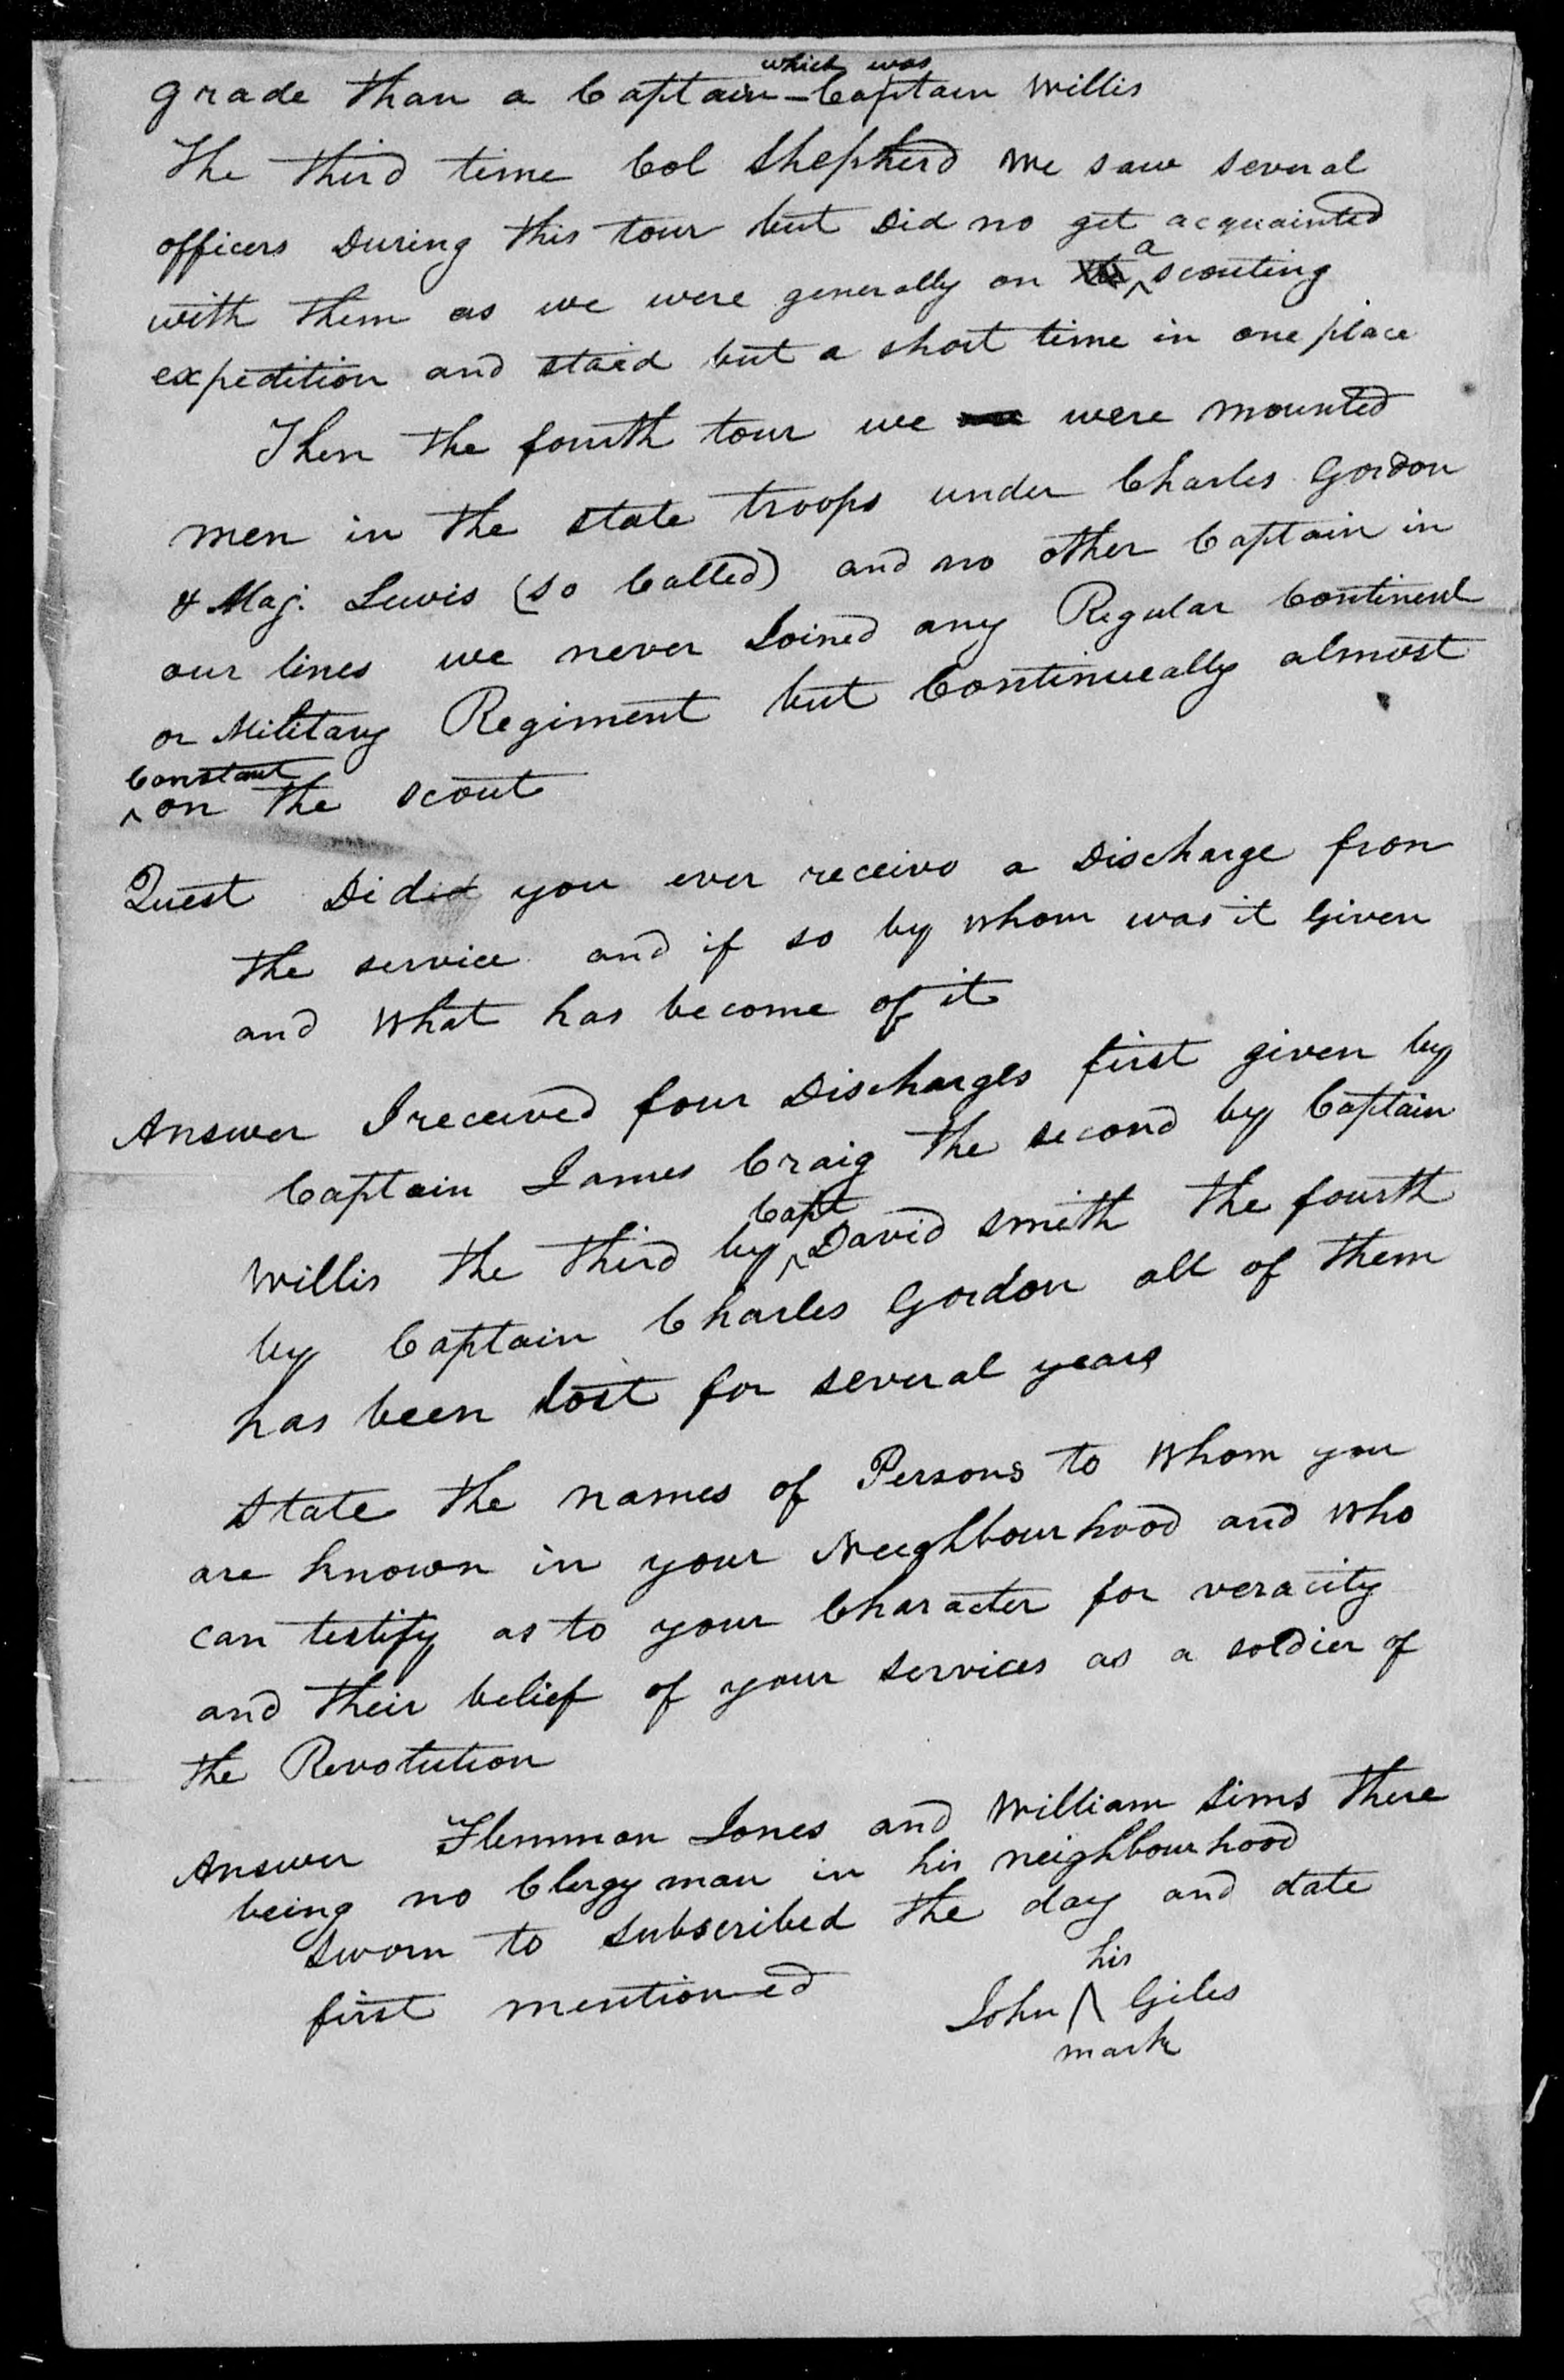grade than a Captain which was Captain Willis
The third time Col Shepherd we saw several officers during this tour but did no get acquainted with them as we were generally on a scouting expedition and staid but a short time in one place
Then the fourth tour we were mounted men in the state troops under Charles Gordon & and Maj Lewis (so called) and no other captain in our lines we never joined any Regular continenl or miliary Regiment but continually almost constant on the scout
Quest  Did you ever receive a discharge from the service and if so by whom was it given and what has become of it
Answer I received four discharges first given by Caption James Craig the second by Captain Willis the third by Capt David Smith the fourth by Captain Charles  Gordon all of them has been lost for several years
State the names of Persons to whom you are known in your neighbourhood and who can testify as to you character for veracity and their belief of your services as a soldier of the Revolution
Flemmon Jones and William Sims there being no clergy man in his neighbourhood 
Sword to subscribed the day and date first mentioned 
John his X mark Giles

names: Flemmon Jones, John Giles, William Sims, Willis, Lewis, Shepherd, David Smith, James Craig, Charles Gordon, Willis, Charles Gordon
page: 10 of 82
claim: widow's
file: W. 7,522, John Giles, N.C.